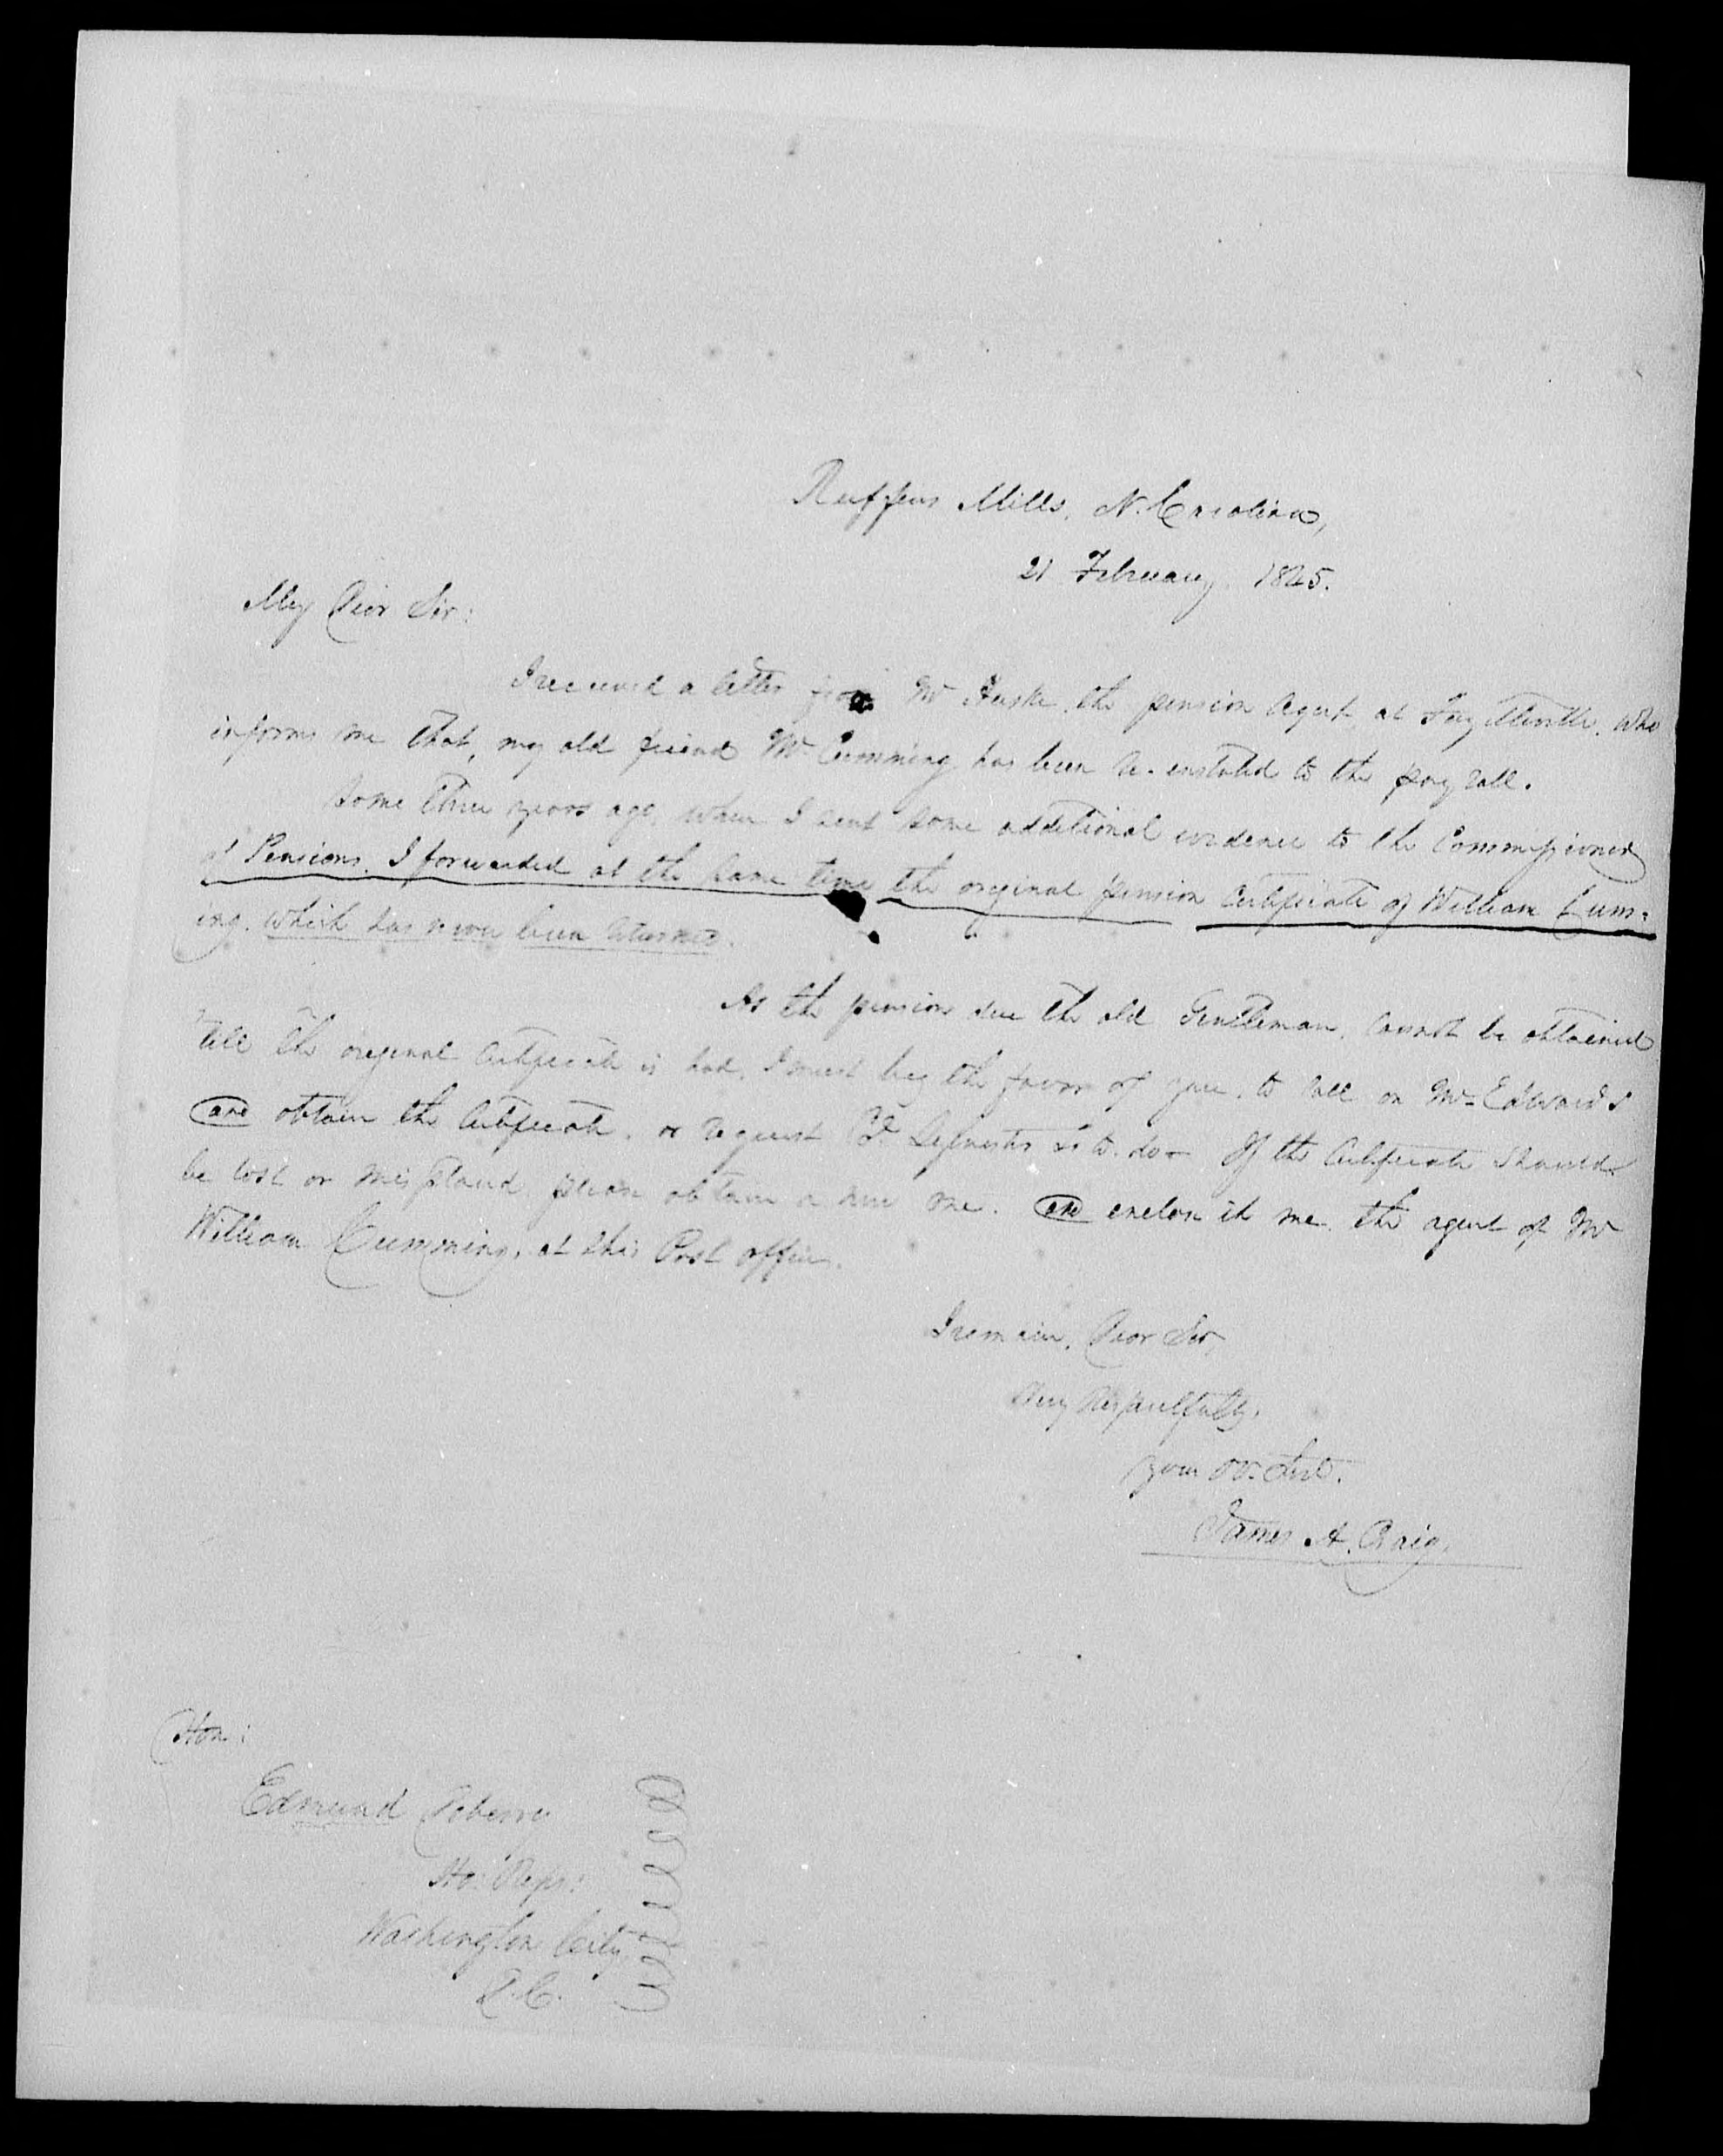[Handwritten letter]

Ruffens [or Ruffins] Mills, N. Carolina,
21 February,1845.

My Dear Sir:

I received a letter from Mr. [?] Fiske [or ? Faske]. the pension Agent at Fayetteville. who informs me that, my old friend Mr. Cumming has been re-instated to the pay roll. 

Some three years ago, when I sent some additional evidence to the Commissioner [from here, the rest of this sentence is underlined:] of Pensions. I forwarded at the Same time the original pension Certificate of William Cumming. [here the next phrase is underlined:] which has [?] never been returned.  

As the pension due the old Gentleman, Cannot be obtained 'till the original Certificate is had, I [?] must beg the favor of you. to call on Mr. Edwards and obtain the Certificate, or request Col. Sylvester To do so [or so do]  -  If the Certificate Should be lost of misplaced please obtain a new one.  and enclose it me. the agent of Mr William Cumming, at this Post office. 

I remain, Dear Sir
Very Respectfully, 
Your Ob. Sert [Your Obedient Servant]
[The following name is underlined:] James A. Craig

Hon:
Edmund [or Edward] Deberry)
Ho: Reps:)
Washington City)
D.C.)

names: Cumming, Edward Deberry, James A Craig, Edwards, William Cumming, William Cumming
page: 63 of 145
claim: survivor's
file: S. 8265, William Cumming, N.C.